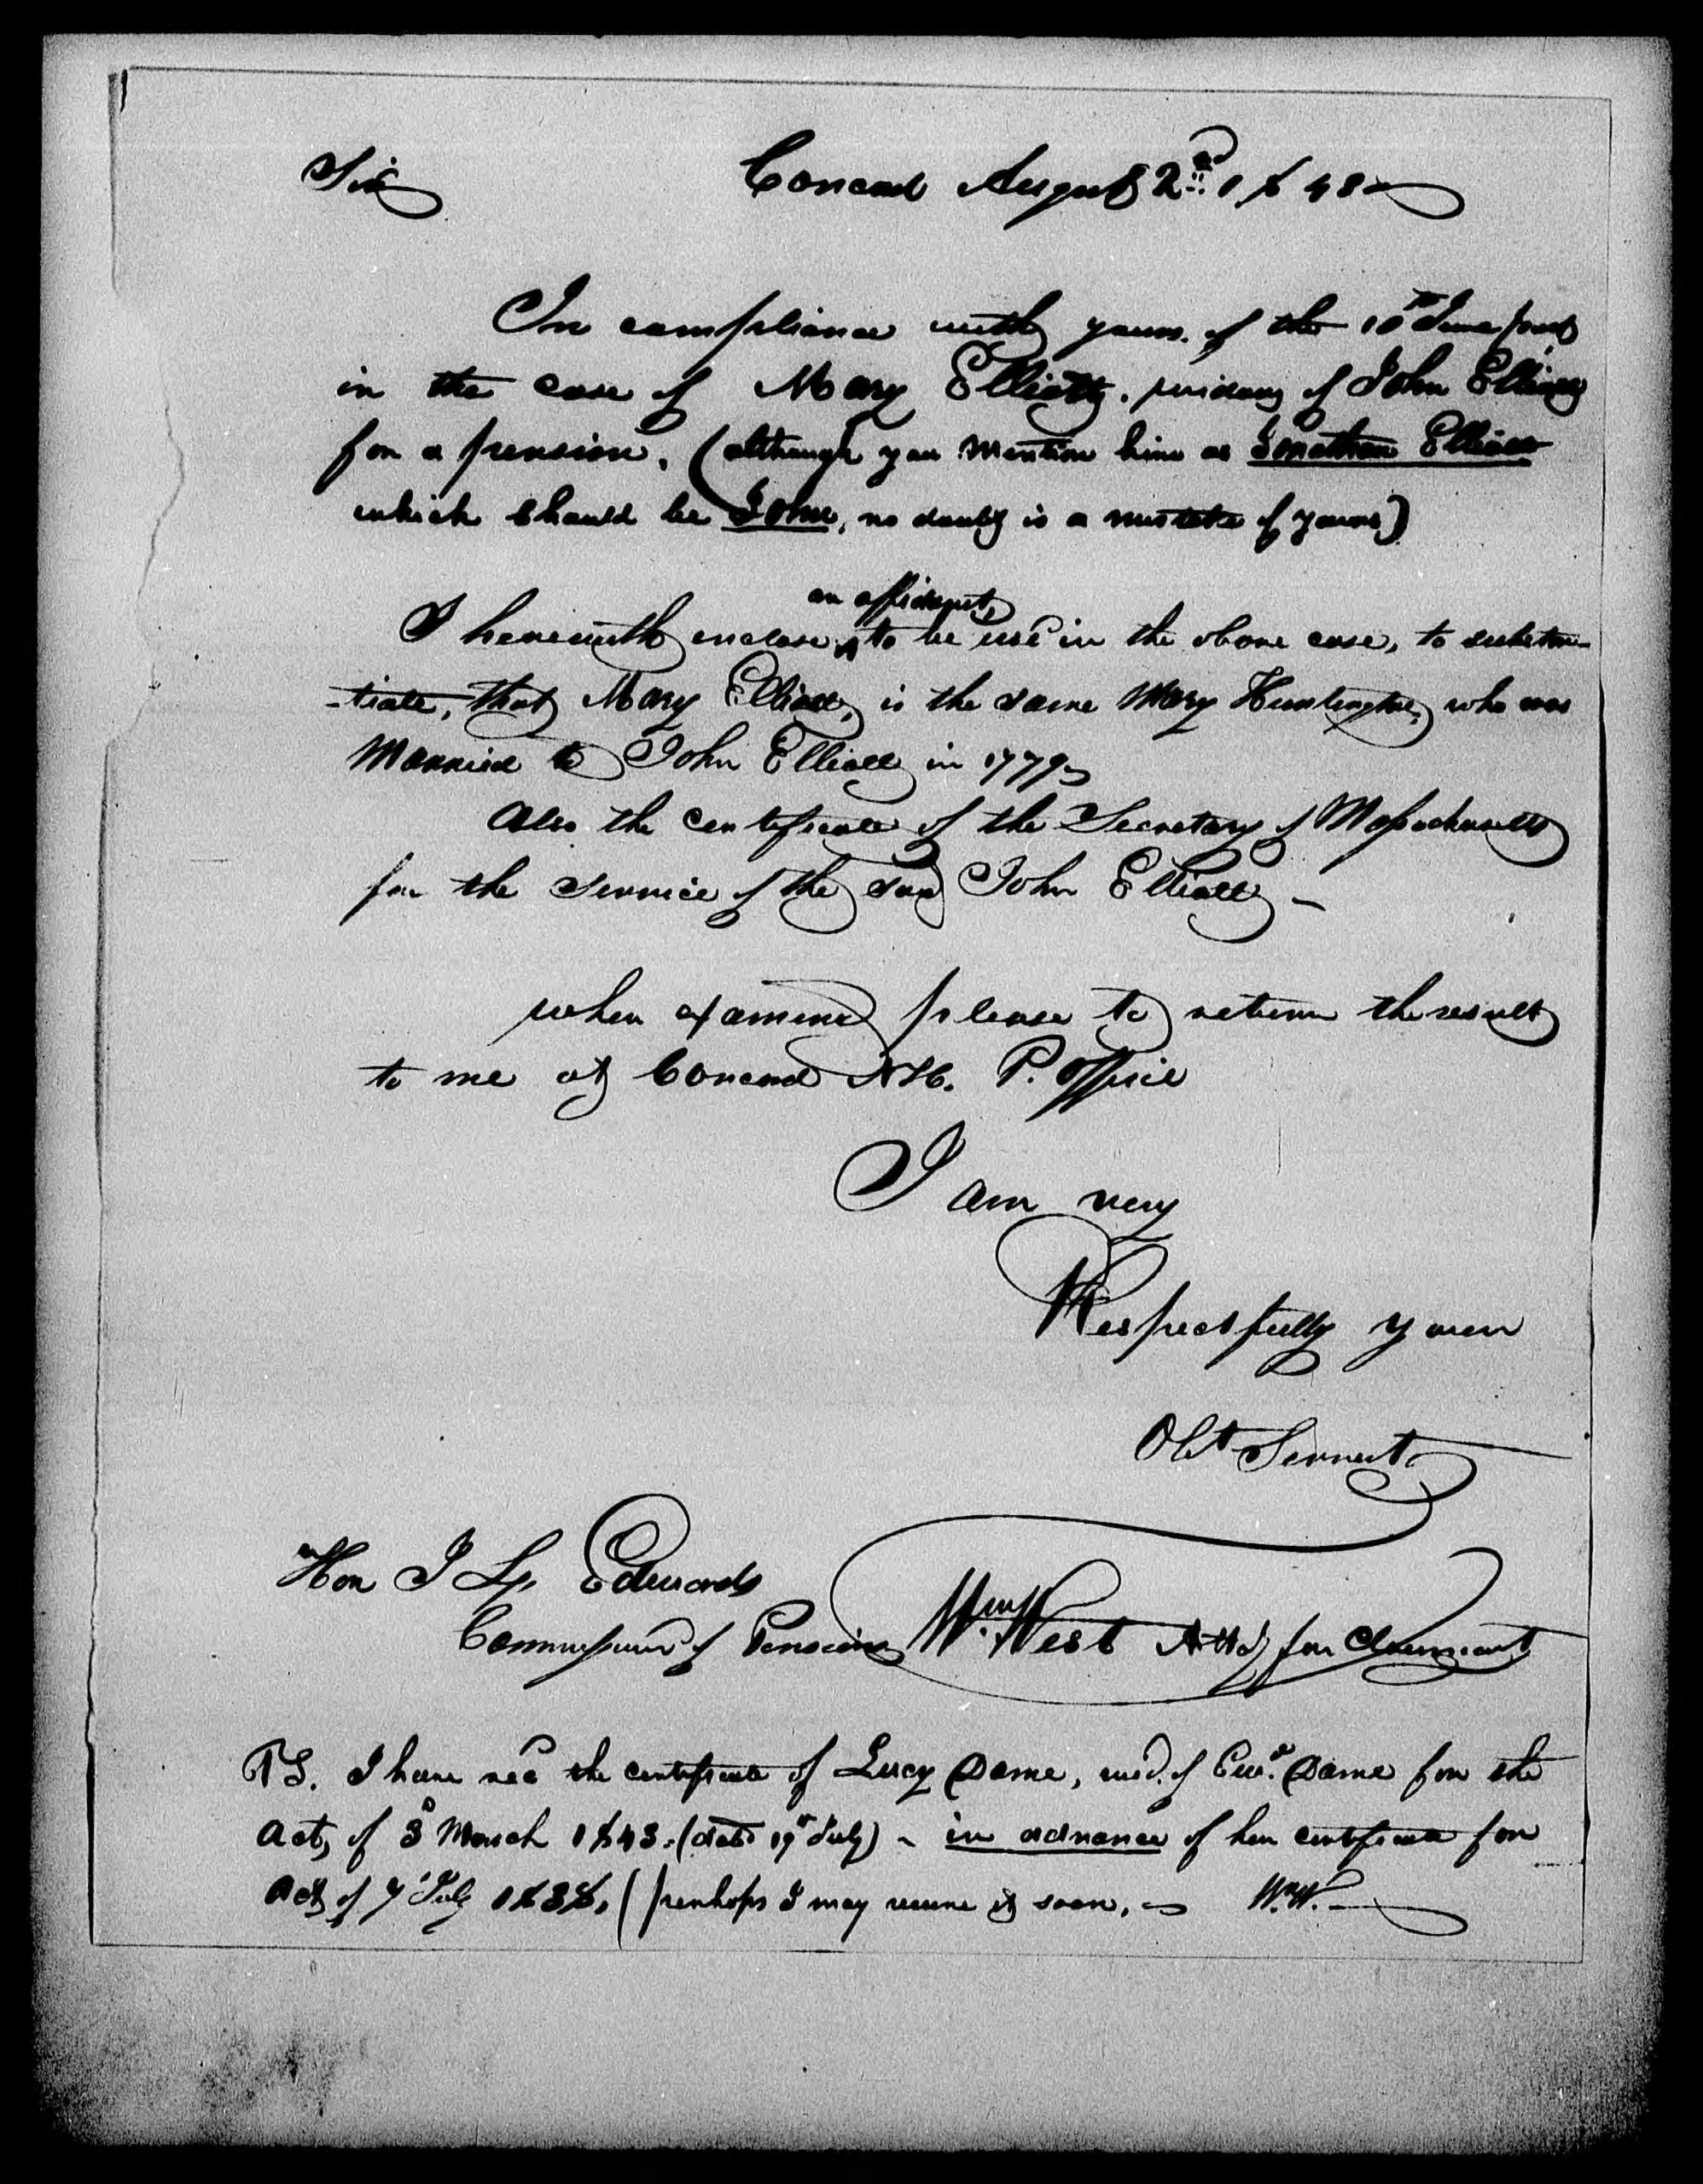Concord August 2d 1848
Sir
In compliance with yours of the 10
in the case of Mary Elliott widow of John Elliott
for a pension, (although you mention him as Jonathan [illegible  Ellis]
which should be John, no [illegible duly] is a mistakes of your

I herewith enclose an {illegible] to the use in the above case, to substantiate, that Mary Elliot in the same Mary Huntington who was
Married to John Elliot in 1779

also the certificate of the Secretary of Massachusetts
for the service of the said John Elliott 

when examined please to return the result
to me at Concord NH. P. Office
I am very
Respectfully your
Obt Servt
Hon L. Edwards
Commission of Pension 
Wm West Atty for Claiment
P.S. I have now the certificate of Lucy Dame, and of E dame for the
Act of 3 March 1843. 9 duly in advance of her certificate for
act of 3 July 1838, (perhaps I may receive it soon.) WW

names: Wm West, Mary Elliott, John Elliott, Ewd Dame, John, John Elliott, Mary Elliott, John Elliott, Jonathan Elliott, J L Edwards, Mary Huntington, Lucy Dame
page: 28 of 57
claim: widow's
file: W. 16,114, John Elliot, Continental (Mass) N.H.